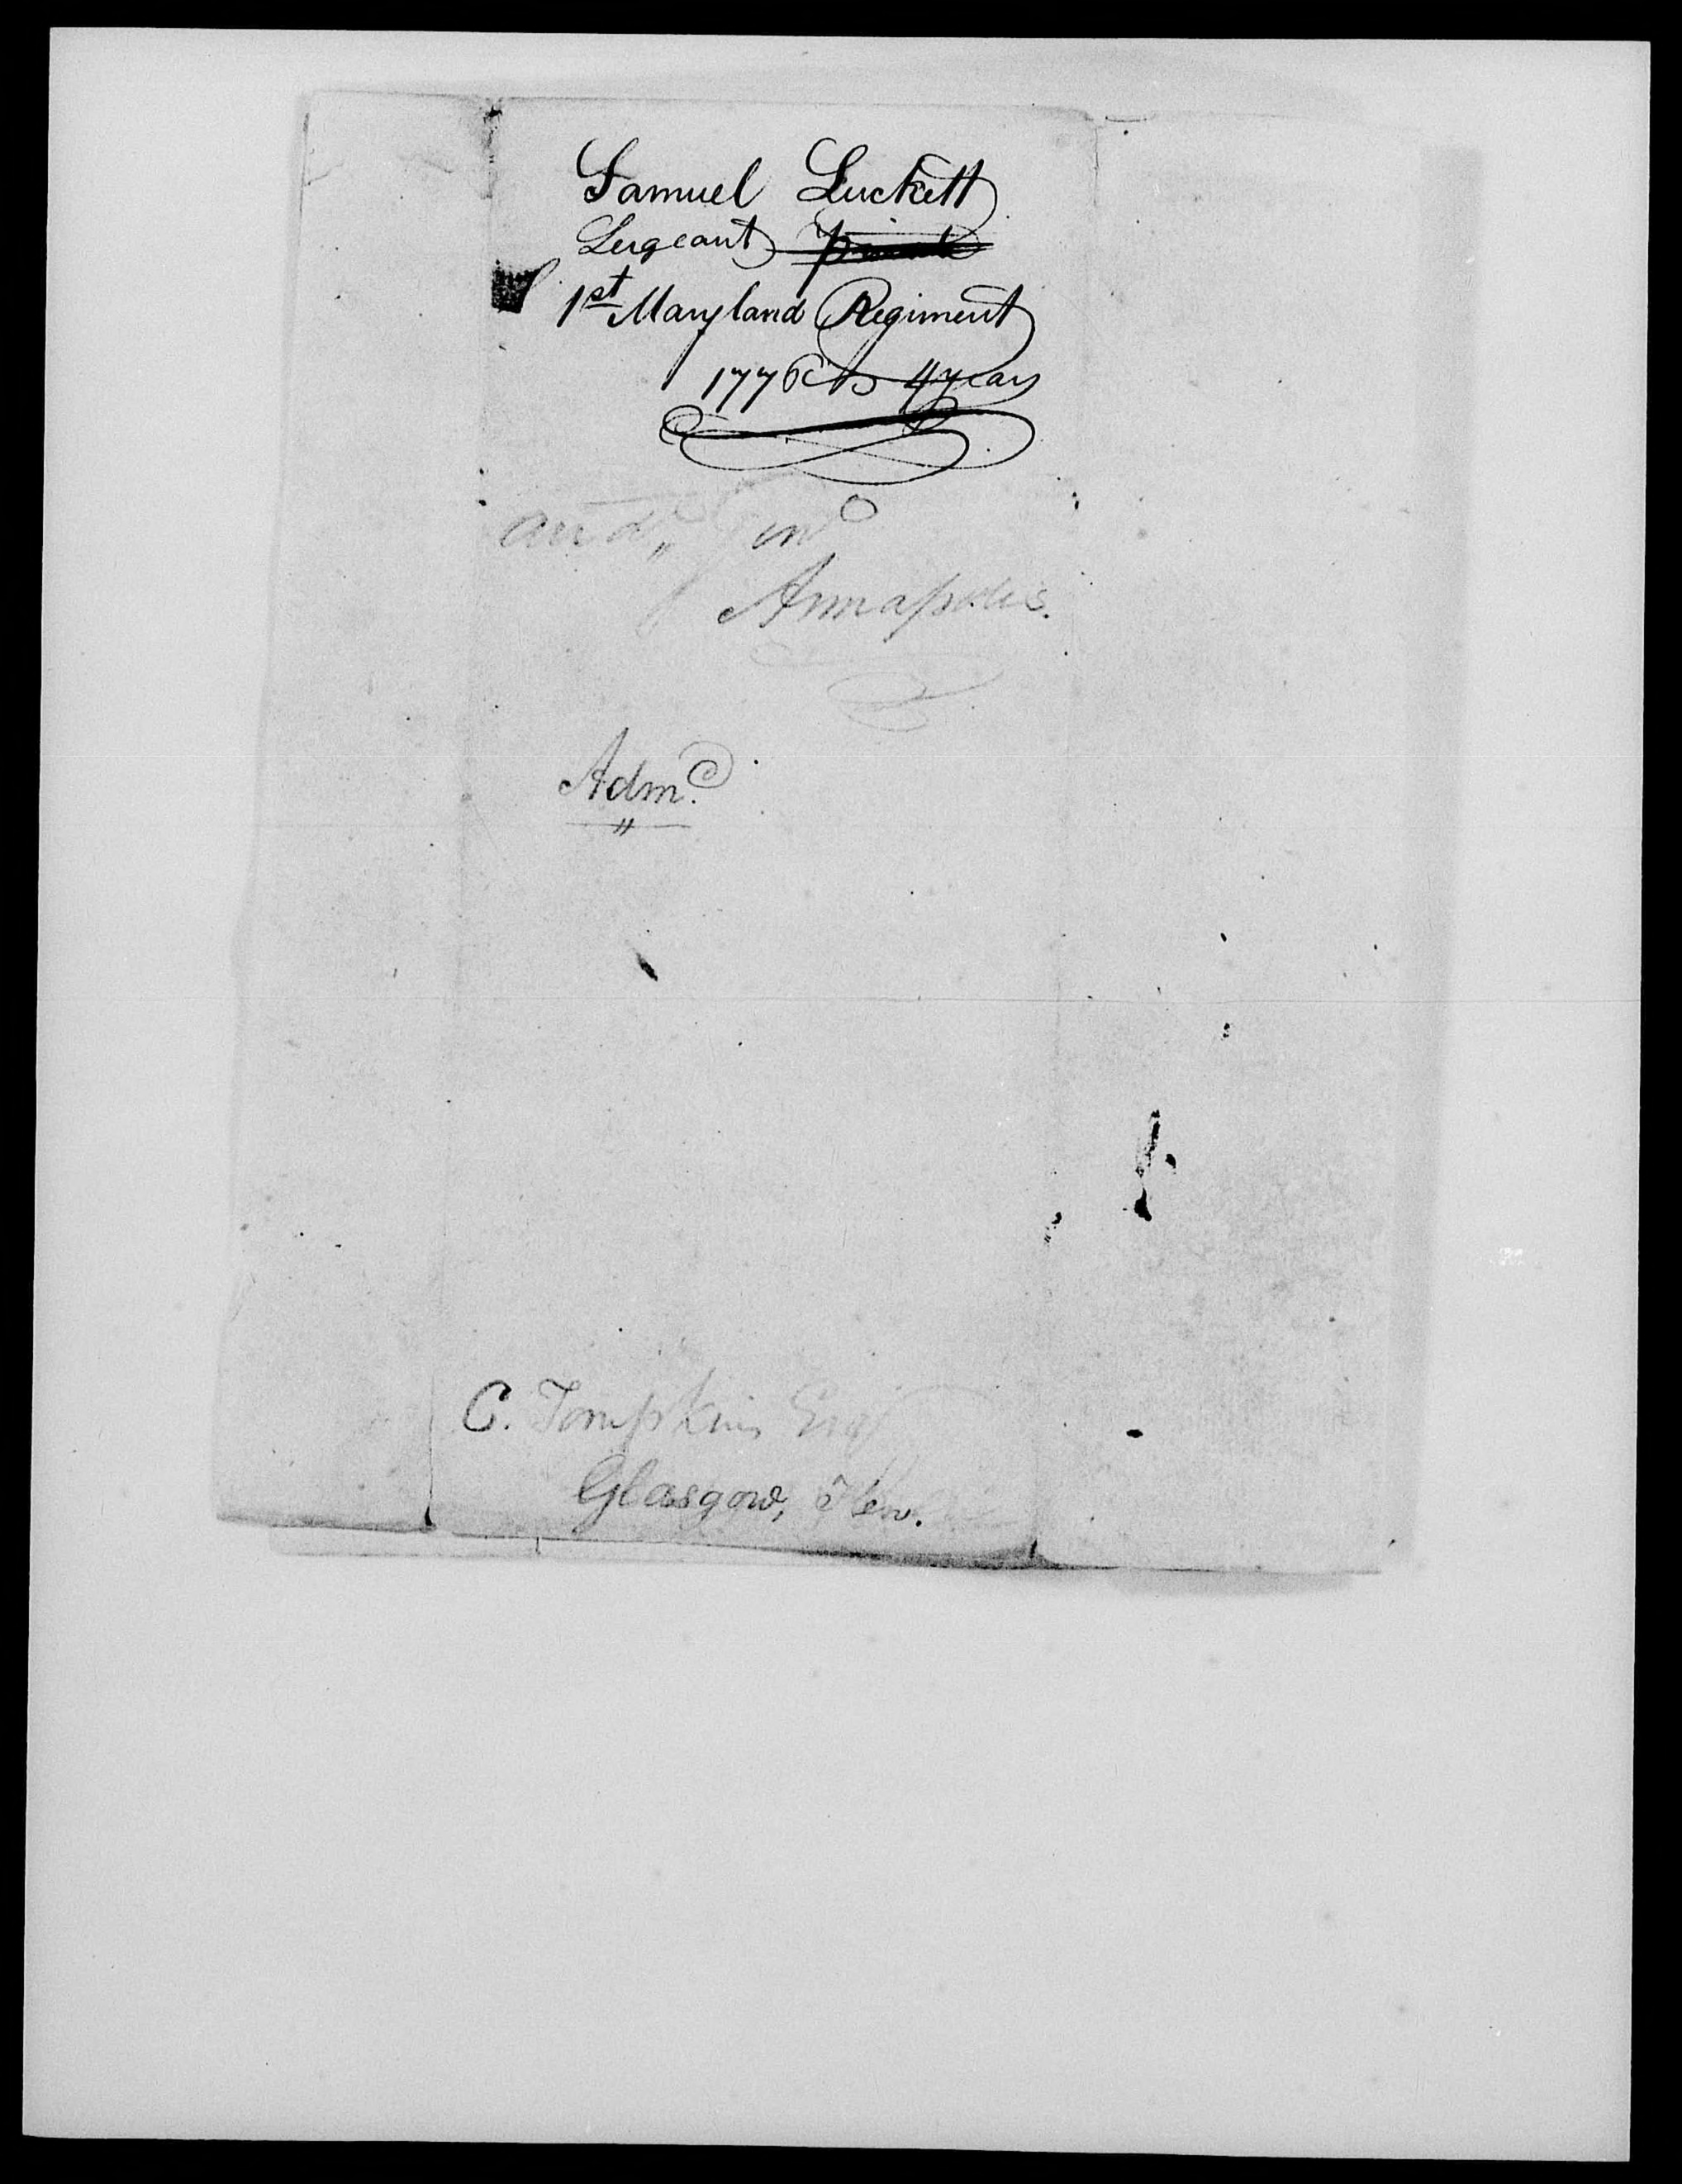Samuel Luckett
Sergeant
1st Maryland Regiment
1776 [illegible] 4 years

Andl[?] Genl
Annapolis

Admd.

C. Tompkins Esq.
Glasgow, Ken.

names: Samuel Luckett; C Tompkins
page: 7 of 34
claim: survivor's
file: S. 36,051, for Samuel Luckett, Maryland